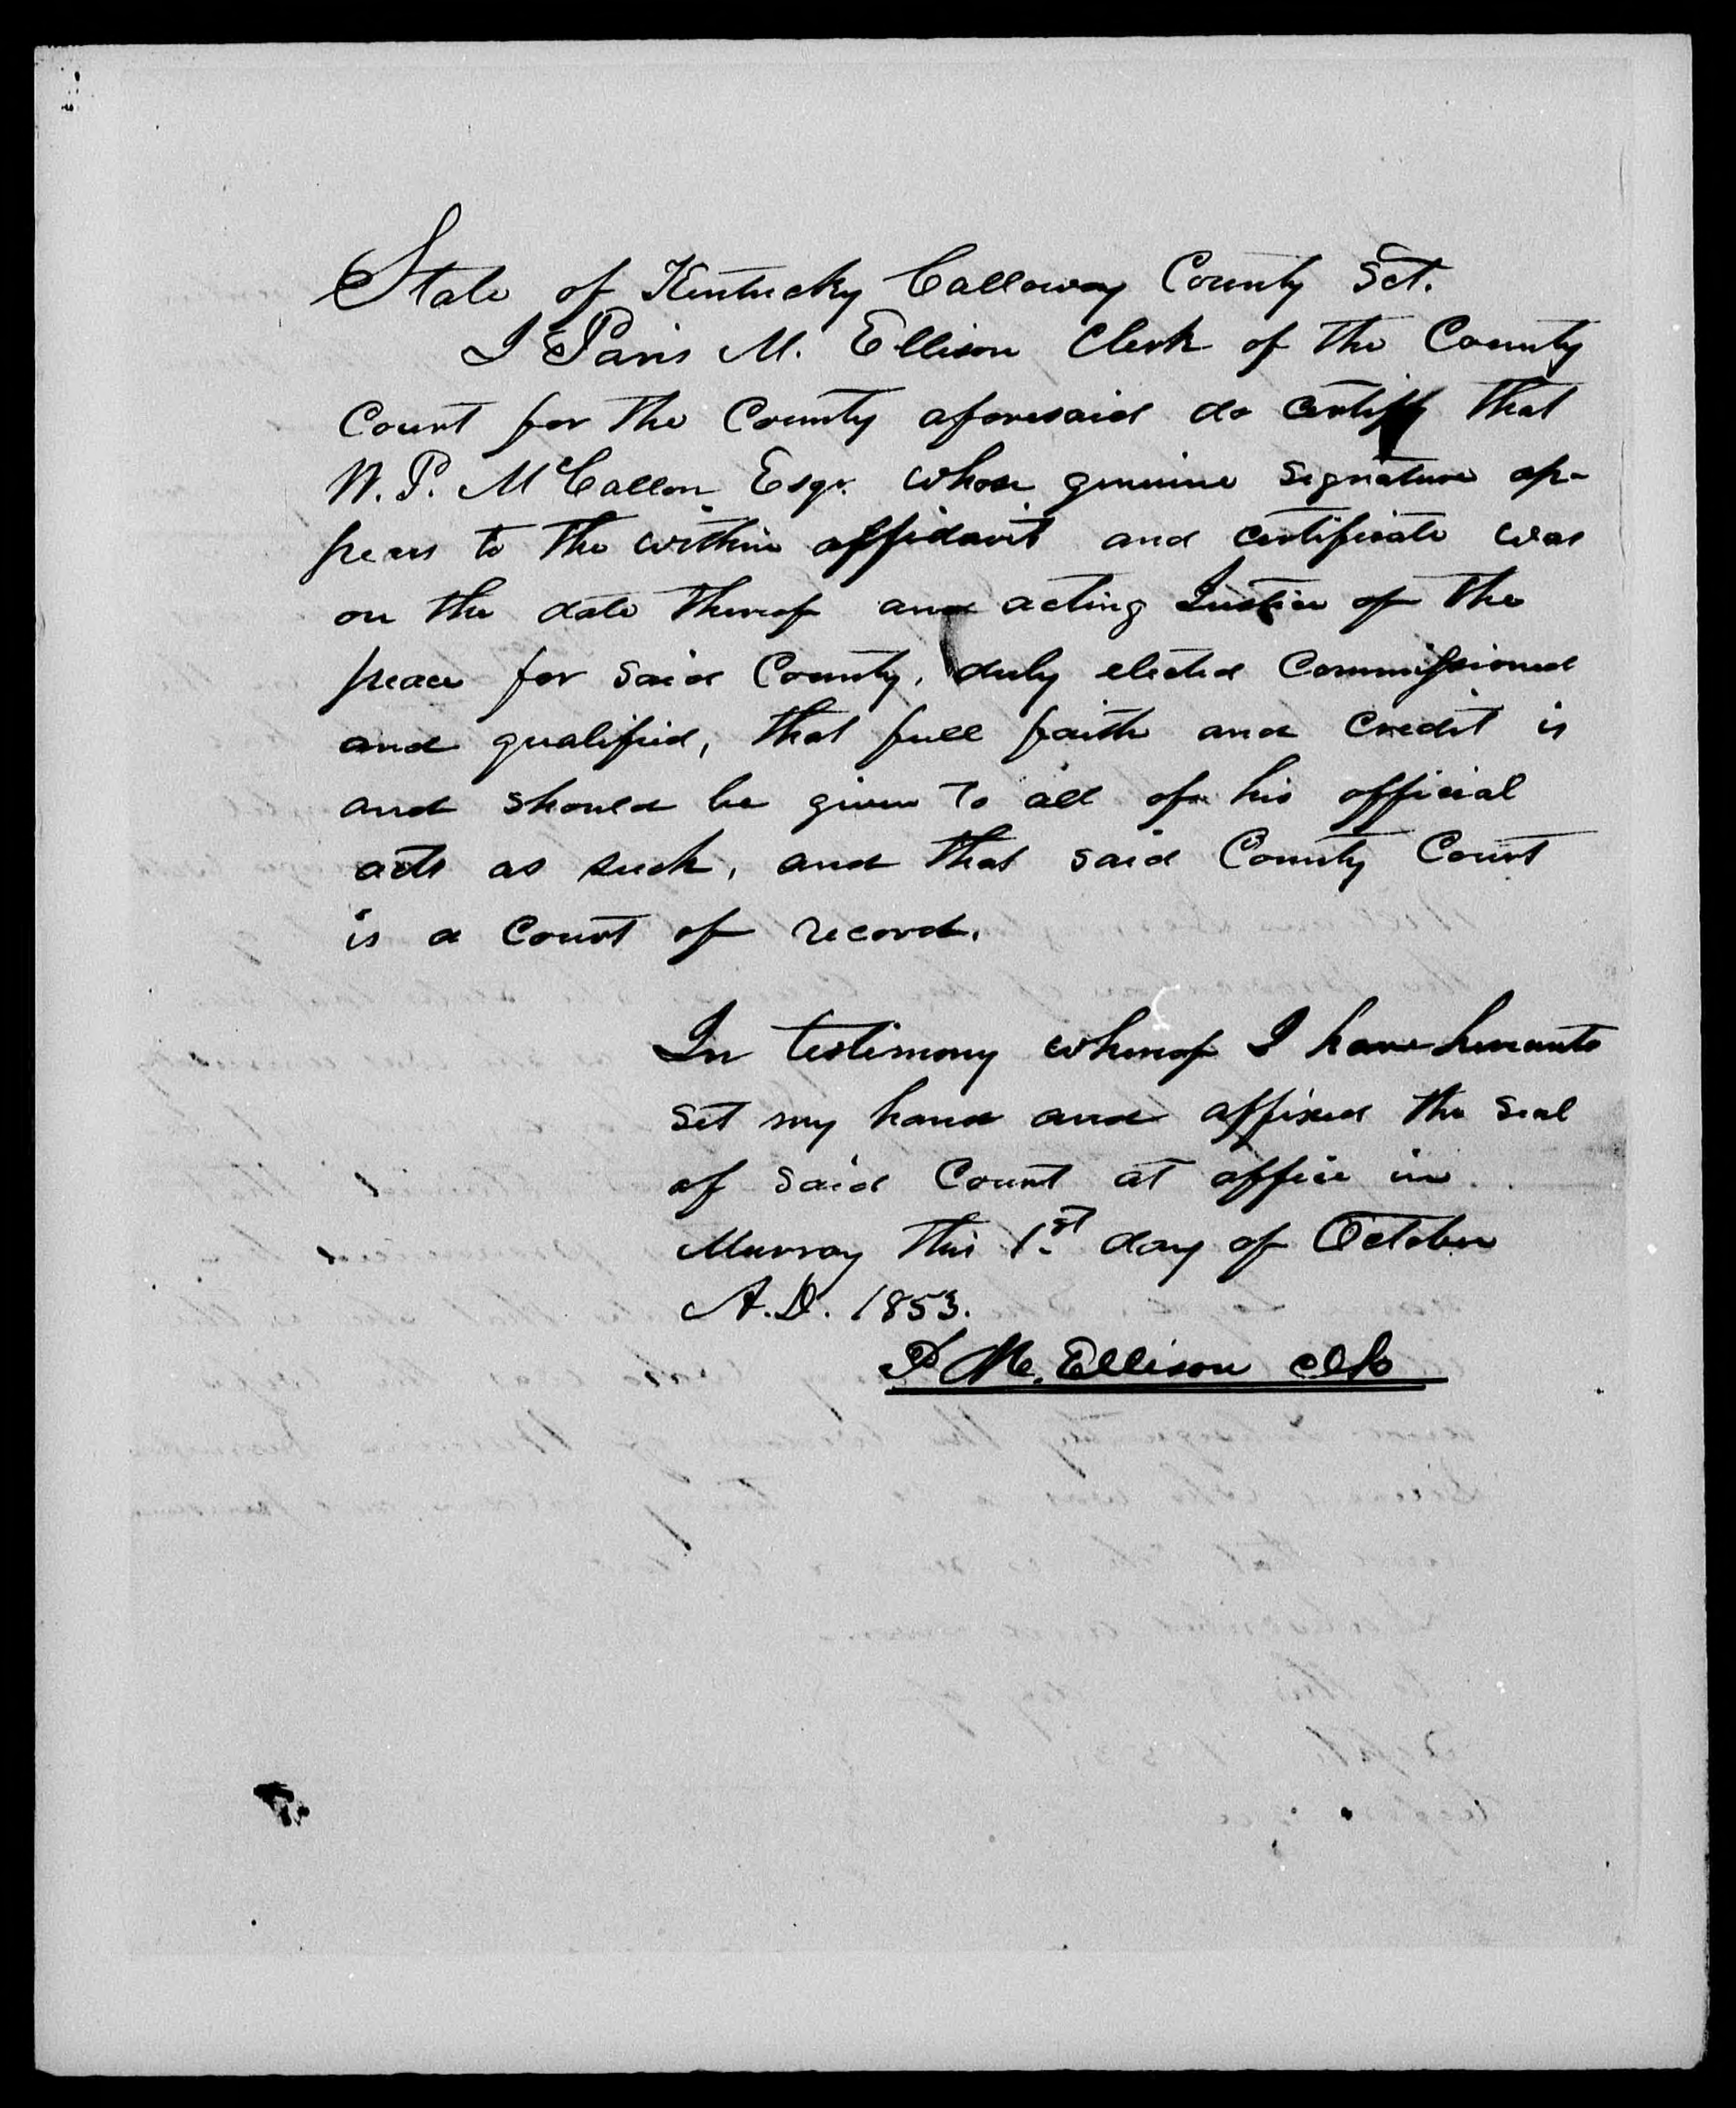State of Kentucky Calloway County Sct.
I Paris M. Ellison Clerk of the County Court for the County aforesaid do certify that W. P. McCallon Esq. whose genuine signature appears to the within affidavit and certificate was on the date thereof and acting Justice of the peace for said County, duly elected Commissioned and qualified, that full faith and credit is and should be given to all of his official acts as such, and that said County Court is a Court of record.
In testimony whereof I have hereunto set my hand and affixed the seal of said Court at office in Murray this 1st day of October A.D. 1853
P. M. Ellison Clk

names: Paris M Ellison, W P Mc Callon, P M Ellison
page: 48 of 51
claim: widow's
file: W. 27,409, William Dunnington, Md.